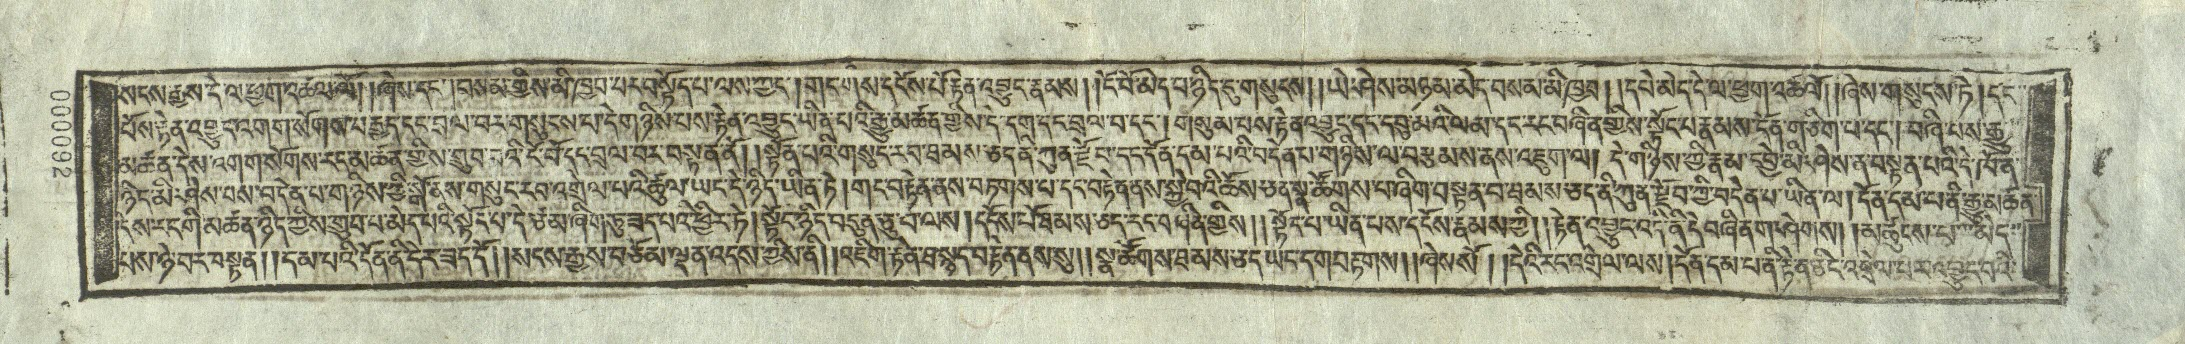སངས་རྒྱས་དེ་ལ་ཕྱག་འཚལ་ལོ། །ཞེས་དང་། བསམ་གྱིས་མི་ཁྱབ་པར་བསྟོད་པ་ལས་ཀྱང་། གང་གིས་དངོས་པོ་རྟེན་འབྱུང་རྣམས། །ངོ་བོ་མེད་པ་ཉིད་དུ་གསུངས། །ཡེ་ཤེས་མཉམ་མེད་བསམ་མི་ཁྱབ། །དཔེ་མེད་དེ་ལ་ཕྱག་འཚལ་ལོ། །ཞེས་གསུངས་ཏེ། དང་
པོས་རྟེན་འབྱུང་འགག་སོགས་བརྒྱད་དང་བྲལ་བར་གསུངས་པ་དེ་གཉིས་པས་རྟེན་འབྱུང་ཡིན་བའི་རྒྱུ་མཚན་གྱིས་དེ་དག་དང་བྲལ་བ་དང་། གསུམ་པས་རྟེན་འབྱུང་དང་དབུ་མའི་ལམ་དང་རང་བཞིན་གྱིས་སྟོང་པ་རྣམས་དོན་གཅིག་པ་དང་། བཞི་པས་རྒྱུ་
མཚན་དེས་འགག་སོགས་རང་མཚན་གྱིས་གྲུབ་པའི་ངོ་བོ་དང་བྲལ་བར་བསྟན་ནོ། །སྟོན་པའི་གསུང་རབ་ཐམས་ཅད་ནི་ཀུན་རྫོབ་དང་དོན་དམ་པའི་བདེན་པ་གཉིས་ལ་བརྩམས་ནས་འཇུག་ལ། དེ་གཉིས་ཀྱི་རྣམ་དབྱེ་མི་ཤེས་ན་བསྟན་པའི་དེ་ཁོ་ན་
ཉིད་མི་ཤེས་པས་བདེན་པ་གཉིས་ཀྱི་སྒོ་ནས་གསུང་རབ་འགྲེལ་པའི་ཚུལ་ཡང་དེ་ཉིད་ཡིན་ཏེ། གང་བརྟེན་ནས་བཏགས་པ་དང་བརྟེན་ནས་སྐྱེ་བའི་ཆོས་ཅན་སྣ་ཚོགས་པ་ཞིག་བསྟན་པ་ཐམས་ཅད་ནི་ཀུན་རྫོབ་ཀྱི་བདེན་པ་ཡིན་ལ། དོན་དམ་པ་ནི་རྒྱུ་མཚན་
དེས་རང་གི་མཚན་ཉིད་ཀྱིས་གྲུབ་པ་མེད་པའི་སྟོང་པ་དེ་ཙམ་ཞིག་ཏུ་ཟད་པའི་ཕྱིར་ཏེ། སྟོང་ཉིད་བདུན་ཅུ་པ་ལས། དངོས་པོ་ཐམས་ཅད་རང་བཞིན་གྱིས། །སྟོང་པ་ཡིན་པས་དངོས་རྣམས་ཀྱི། །རྟེན་འབྱུང་འདི་ནི་དེ་བཞིན་གཤེགས། །མཚུངས་པ་མེད་
པས་ཉེ་བར་བསྟན། །དམ་པའི་དོན་ནི་དེར་ཟད་དོ། །སངས་རྒྱས་བཅོམ་ལྡན་འདས་ཀྱིས་ནི། །འཇིག་རྟེན་ཐ་སྙད་བརྟེན་ནས་སུ། །སྣ་ཚོགས་ཐམས་ཅད་ཡང་དག་བརྟགས། །ཞེས་སོ། །དེའི་རང་འགྲེལ་ལས། དོན་དམ་པ་ནི་རྟེན་ཅིང་འབྲེལ་པར་འབྱུང་བའི་